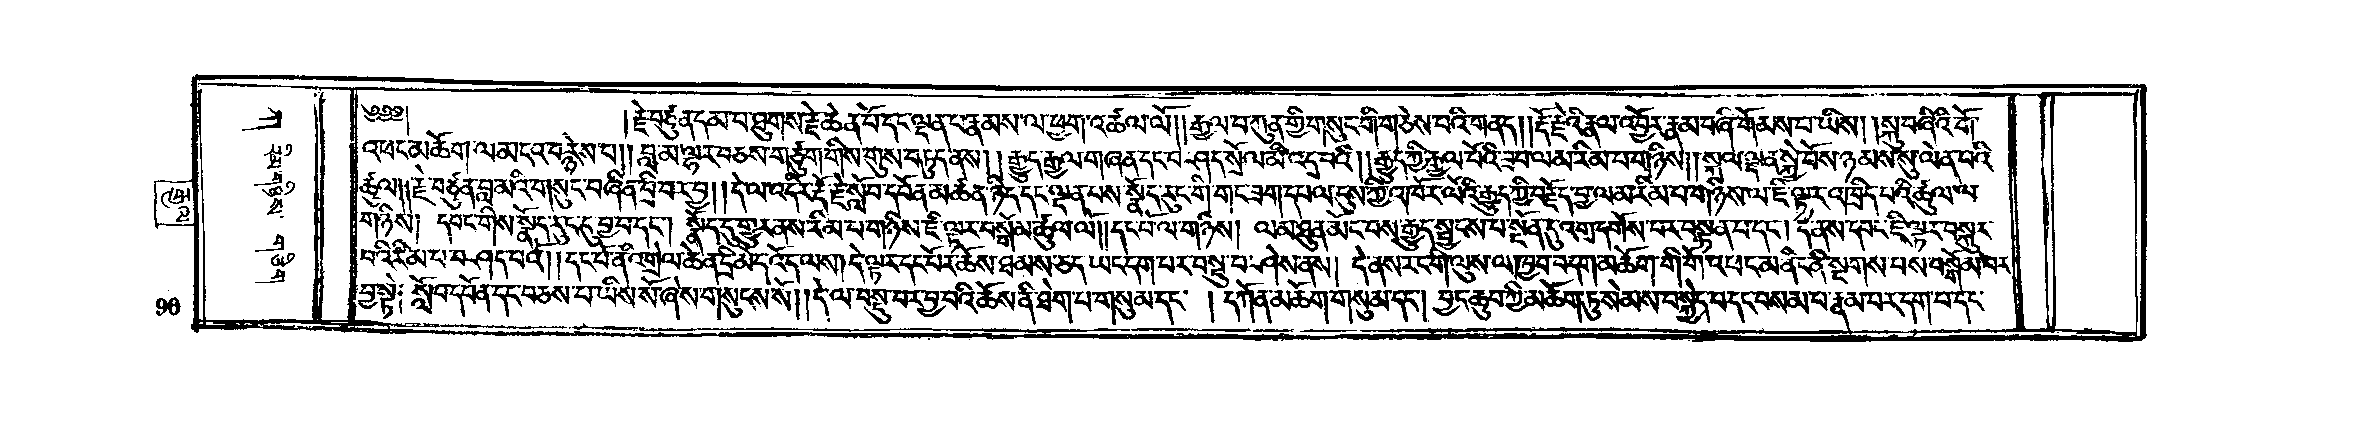༄༅༅། །རྗེ་བཙུན་དམ་པ་ཐུགས་རྗེ་ཆེན་པོ་དང་ལྡན་པ་རྣམས་ལ་ཕྱག་འཚལ་ལོ། །རྒྱལ་བ་ཀུན་གྱི་གསུང་གི་གཅེས་པའི་གནད། །རྡོ་རྗེའི་རྣལ་འབྱོར་རྣམ་བཞི་གོམས་པ་ཡིས། །སྐུ་བཞིའི་གོ་
འཕང་མཆོག་ལ་མངའ་བརྙེས་པ། །བླ་མ་ལྷར་བཅས་གཙུག་གིས་གུས་བཏུད་ནས། །རྒྱུད་རྒྱལ་གཞན་དང་བཤད་སྲོལ་མི་འདྲ་བའི། །རྒྱུད་ཀྱི་རྒྱལ་པོའི་ཟབ་ལམ་རིམ་པ་གཉིས། །སྐྲལ་ལྡན་སྐྱེ་བོས་ཉམས་སུ་ལེན་པའི་
ཚུལ། །རྗེ་བཙུན་བླ་མའི་གསུང་བཞིན་བྲི་བར་བྱ། །དེ་ལ་འདིར་རྡོ་རྗེ་སློབ་དཔོན་མཚན་ཉིད་དང་ལྡན་པས་སྣོད་རུང་གི་གང་ཟག་དཔལ་དུས་ཀྱི་འཁོར་ལོའི་རྒྱུད་ཀྱི་བརྗོད་བྱ་ལམ་རིམ་པ་གཉིས་ལ་ཇི་ལྟར་འཁྲིད་པའི་ཚུལ་ལ་
གཉིས། དབང་གིས་སྣོད་རུང་དུ་བྱ་བ་དང་། སྣོད་དུ་གྱུར་ནས་རིམ་པ་གཉིས་ཇི་ལྟར་བསྒོམ་ཚུལ་ལོ། །དང་པོ་ལ་གཉིས། ལམ་ཐུན་མོང་བས་རྒྱུད་སྦྱངས་པ་སྔོན་དུ་འགྲོ་དགོས་པར་བསྟན་པ་དང་། དེ་ནས་དབང་ཇི་ལྟར་བསྐུར་
བའི་རིམ་པ་བཤད་པའོ། །དང་པོ་ནི་འགྲེལ་ཆེན་དྲི་མེད་འོད་ལས། དེ་ལྟར་དང་པོར་ཆོས་ཐམས་ཅད་ཡང་དག་པར་བསྡུ་བ་ཤེས་ནས། དེ་ནས་རང་གི་ལུས་ལ་ཁྱབ་བདག་མཆོག་གི་གོ་འཕང་མ་ནིང་ནི་སྔགས་པས་བསྒོམ་པར་
བྱ་སྟེ། སློབ་དཔོན་དང་བཅས་པ་ཡིས་སོ་ཞེས་གསུངས་སོ། །དེ་ལ་བསྡུ་བར་བྱ་བའི་ཆོས་ནི་ཐེག་པ་གསུམ་དང་། དཀོན་མཆོག་གསུམ་དང་། བྱང་ཆུབ་ཀྱི་མཆོག་ཏུ་སེམས་བསྐྱེད་པ་དང་བསམ་པ་རྣམ་པར་དག་པ་དང་